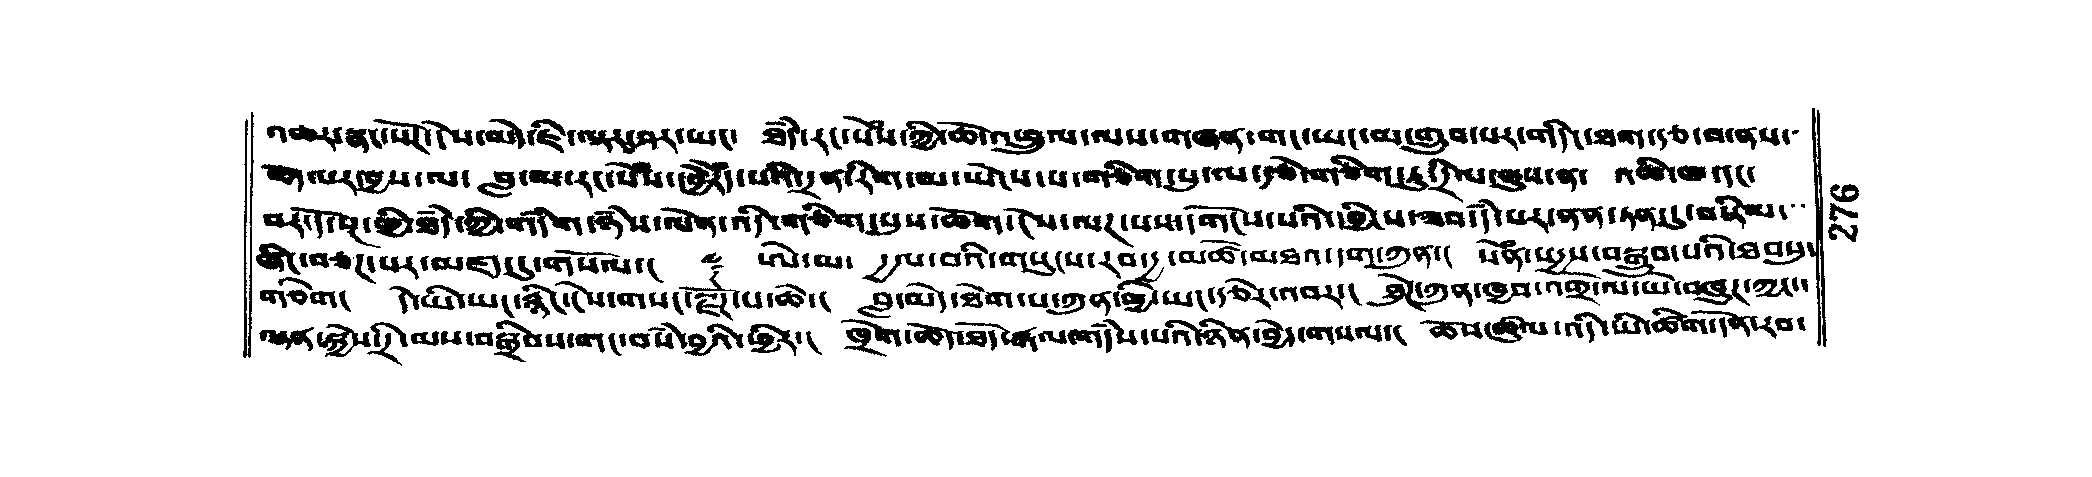འཆར་སྣང་སོགས་ངེས་མེད་ཇི་ལྟར་ཤར་ཡང་། ཐམས་ཅད་རང་སེམས་ཀྱི་ཆོ་འཕྲུལ་ལས་གཞན་གང་ཡང་མ་གྲུབ་པར་གདིང་ཐག་རྩ་བ་ནས་
ཆོད་པར་བྱས་ལ། བླ་མ་རང་སེམས་དབྱེར་མེད་པའི་དྲན་རིག་མ་ཡེངས་པ་གཅིག་པུ་ལ་རྩེ་གཅིག་ཏུ་དྲིལ་ནུས་ན། འཆི་ཁ་དང་
བར་དོ་སྔ་ཕྱི་ཐམས་ཅད་ཀྱི་གདམས་ངག་ཉམས་ལེན་འདི་གཅིག་པུས་ཆོག་ངེས་ལགས་པས་དགོངས་པའི་དབྱིངས་ཟབ་དམ་པར་ནན་ཏན་དུ་བསྟིམ་
ཞིང་བཅགས་པར་མཛད་དུ་གསོལ། ༈ ཨེ་མ། རྒྱལ་བའི་གསུང་རབ་རྒྱ་མཚོ་མཐའ་དག་ཀུན། །སེམས་ཅན་སངས་རྒྱས་བསྒྲུབ་པའི་ཐབས་སུ་
གཅིག །དེ་ཡི་ཡང་སྙིང་ངེས་གསང་རྫོགས་པ་ཆེ། །བླ་མེད་ཐེག་པ་ཀུན་གྱི་ཡང་རྩེ་བར། །ཐུགས་རྗེ་ཀུན་ཁྱབ་འགྲོ་ལ་ཡེ་བཞུགས་ཀྱང་། །
ལྷན་སྐྱེས་དྲི་མས་བསྒྲིབས་གང་བསལ་བྱའི་ཕྱིར། །ཁྲེགས་ཆོད་ཐོད་རྒལ་གདམས་པའི་ཉིན་བྱེད་གསལ། །ཆོས་ཚུལ་འདི་ཡི་ཚིག་དོན་རབ་